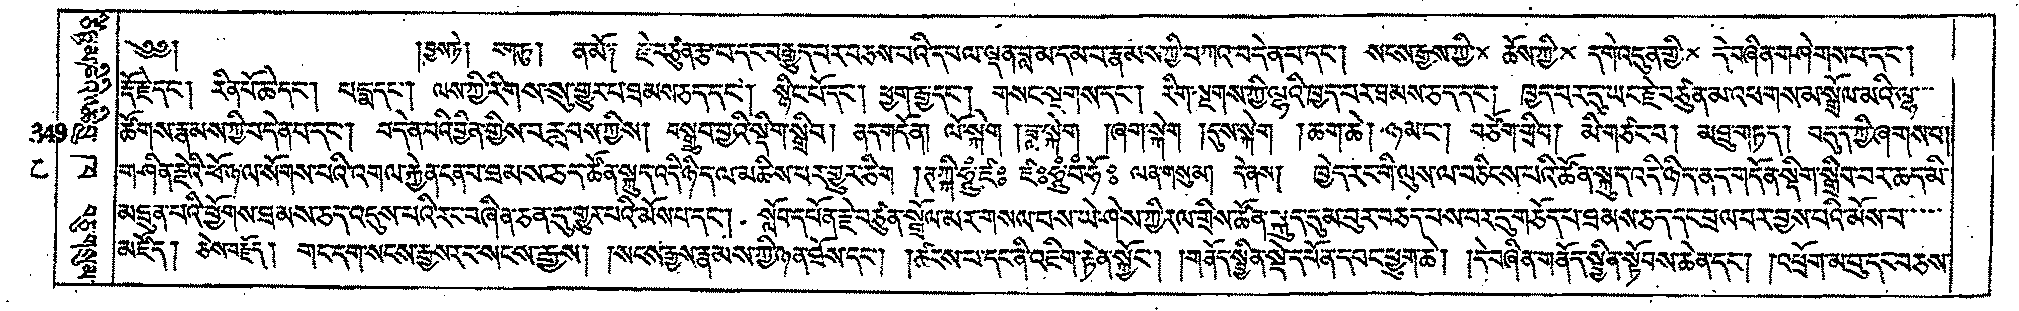༄༅། །བྱས་ཏེ། ངག་ཏུ། ན་མོ༑ རྗེ་བཙུན་རྩ་བ་དང་བརྒྱུད་པར་བཅས་པའི་དཔལ་ལྡན་བླ་མ་དམ་པ་རྣམས་ཀྱི་བཀའ་བདེན་པ་དང་། སངས་རྒྱས་ཀྱི་྾་ཆོས་ཀྱི་྾་དགེ་འདུན་གྱི་྾་དེ་བཞིན་གཤེགས་པ་དང་།
རྡོ་རྗེ་དང་། རིན་པོ་ཆེ་དང་། པདམ་དང་། ལས་ཀྱི་རིགས་སུ་གྱུར་པ་ཐམས་ཅད་དང་། སྙིང་པོ་དང་། ཕྱག་རྒྱ་དང་། གསང་སྔགས་དང་། རིག་སྔགས་ཀྱི་ལྷའི་ཁྱད་པར་ཐམས་ཅད་དང་། ཁྱད་པར་དུ་ཡང་རྗེ་བཙུན་མ་འཕགས་མ་སྒྲོལ་མའི་ལྷ་་་
ཚོགས་རྣམས་ཀྱི་བདེན་པ་དང་། བདེན་པའི་བྱིན་གྱིས་བརླབས་ཀྱིས། །བསྒྲུབ་བྱའི་སྡིག་སྒྲིབ། ནད་གདོན། ལོ་སྐེག །ཟླ་སྐེག །ཞག་སྐེག །དུས་སྐེག །ཆག་ཆེ། ཉམ་ང་། བཙོག་གྲིབ། མི་གཙང་བ། མཐུ་གཏད། བདུད་ཀྱི་ཞགས་བ།
གཤིན་རྗེའི་ཕོ་ཉ་ལ་སོགས་པའི་འགལ་རྐྱེན་ངན་པ་ཐམས་ཅད་ཚོན་སྐུད་འདི་ཉིད་ལ་མཆིས་པར་གྱུར་ཅིག །ཊཀྐི་ཧཱུཾ་ཛཿ ཛཿ ཧཱུཾ་བཾ་ཧོཿ ལན་གསུམ། དེ་ནས།  ཁྱེད་རང་གི་ལུས་ལ་བཅིངས་པའི་ཚོན་སྐུད་འདི་ཉིད་ནད་གདོན་སྡིག་སྒྲིབ་བར་ཆད་མི་
མཐུན་པའི་ཕྱོགས་ཐམས་ཅད་འདུས་པའི་རང་བཞིན་ཅན་དུ་གྱུར་པའི་མོས་པ་དང་། སློབ་དཔོན་རྗེ་བཙུན་སྒྲོལ་མར་གསལ་བས་ཡེ་ཤེས་ཀྱི་རལ་གྲིས་ཚོན་སྐུད་དུམ་བུར་བཅད་པས་བར་དུ་གཅོད་པ་ཐམས་ཅད་དང་བྲལ་བར་བྱས་པའི་མོས་པ་་་
མཛོད། ཅེས་བརྗོད།  གང་དག་སངས་རྒྱས་རང་སངས་རྒྱས། །སངས་རྒྱས་རྣམས་ཀྱི་ཉན་ཐོས་དང་། །ཚངས་པ་དང་ནི་འཇིག་རྟེན་སྐྱོང་། །གནོད་སྦྱིན་སྡེ་དཔོན་དབང་ཕྱུག་ཆེ། །དེ་བཞིན་གནོད་སྦྱིན་སྟོབས་ཆེན་དང་། །འཕྲོག་མ་བུ་དང་བཅས་